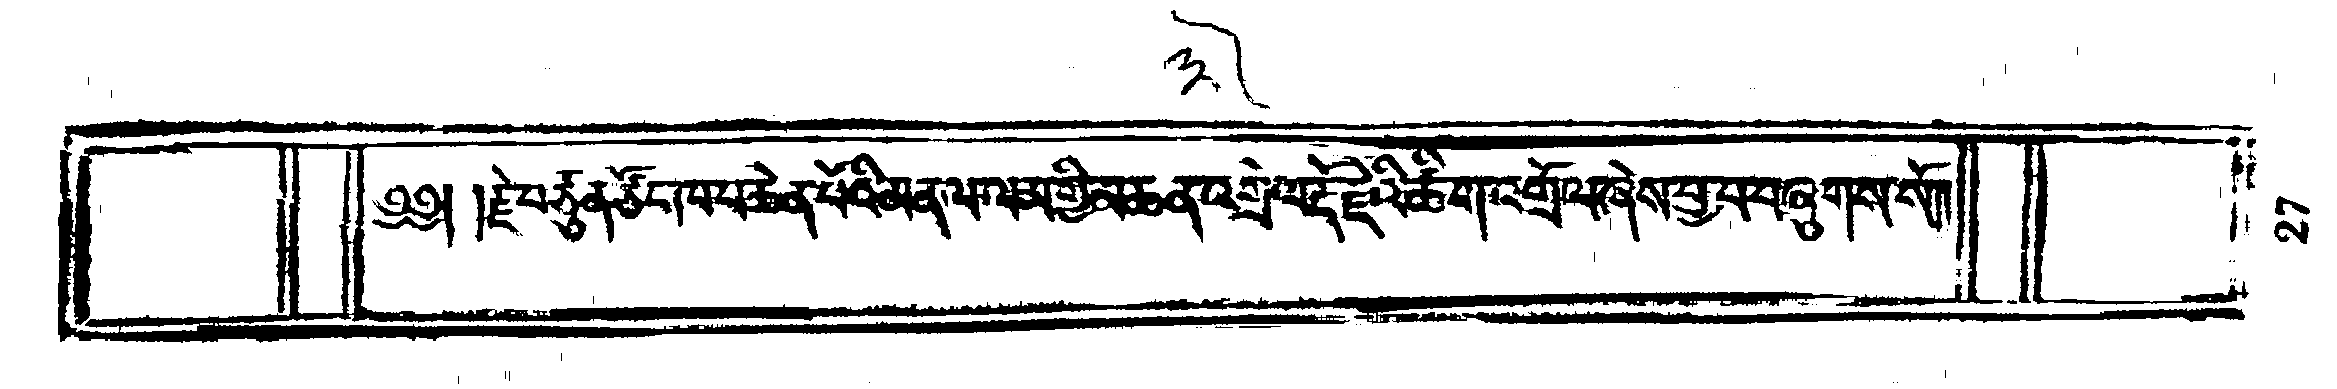༄༅། །རྗེ་བཙུན་ཙོང་ཁ་པ་ཆེན་པོའི་མན་ལ་ལམ་གྱི་མཆན་འགྲེལ་རྡོ་རྗེའི་ཚིག་འགྲོལ་ཞེས་བྱ་བ་བཞུགས་སོ། །